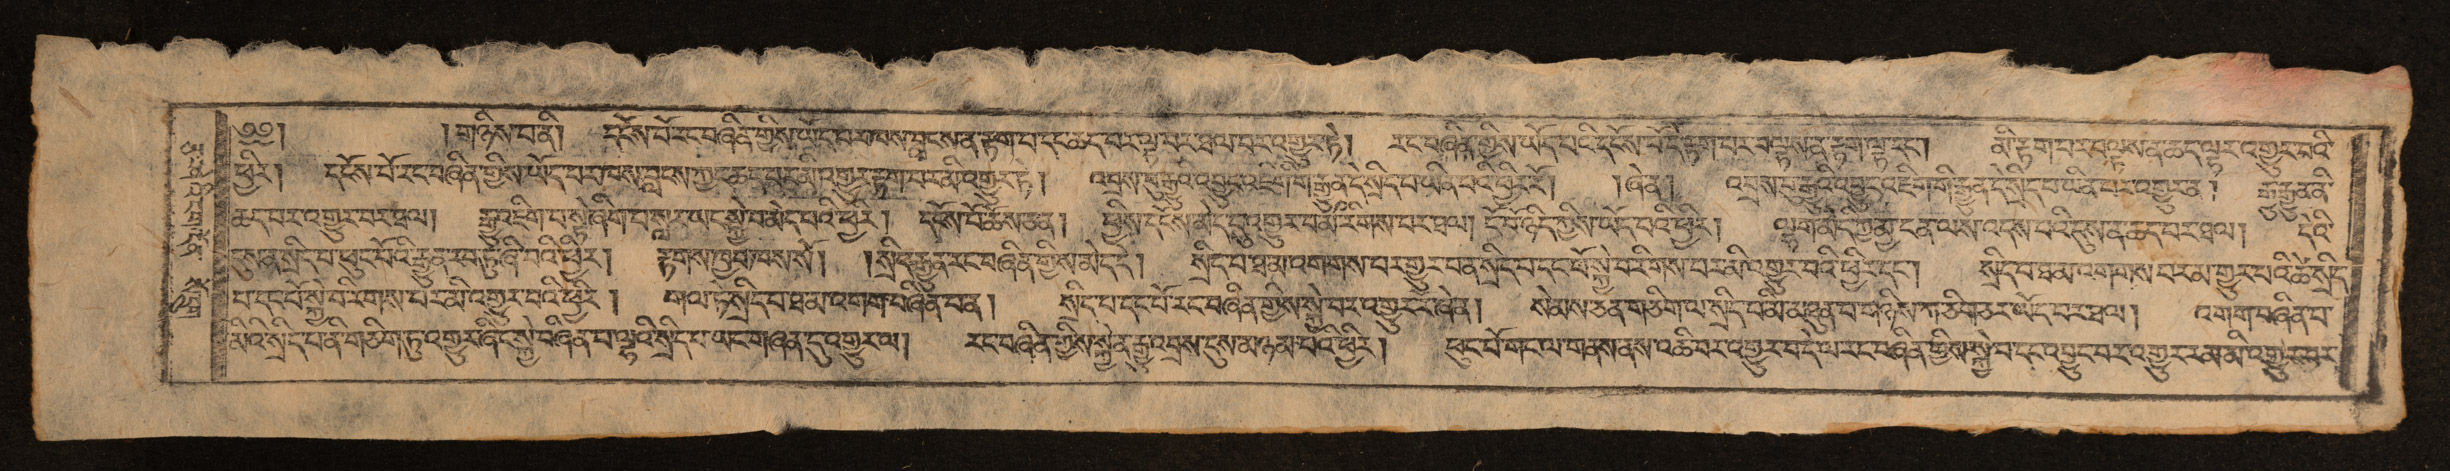༄༅། །གཉིས་པ་ནི། དངོས་པོ་རང་བཞིན་གྱིས་ཡོད་པར་ཁས་བླངས་ན་རྟག་པ་དང་ཆད་པར་ལྟ་བར་ཐལ་བར་འགྱུར་ཏེ། རང་བཞིན་གྱིས་ཡོད་པའི་དངོས་པོ་དེ་རྟག་པར་བལྟས་ན་རྟག་ལྟ་དང་། མི་རྟག་པར་བལྟས་ན་ཆད་ལྟར་འགྱུར་བའི་
ཕྱིར། དངོས་པོ་རང་བཞིན་གྱིས་ཡོད་པར་ཁས་བླངས་ཀྱང་ཆད་པར་མི་འགྱུར་རྟག་པར་མི་འགྱུར་ཏེ། འབྲས་བུ་རྒྱུའི་འབྱུང་འཇིག་གི་རྒྱུན་དེ་སྲིད་པ་ཡིན་པའི་ཕྱིར་རོ། །ཞེ་ན། འབྲས་བུ་རྒྱུའི་འབྱུང་འཇིག་གི་རྒྱུན་དེ་སྲིད་པ་ཡིན་པར་འགྱུར་ན། རྒྱུ་རྒྱུན་ནི་
ཆད་བར་འགྱུར་བར་ཐལ། རྒྱུ་འཇིག་པ་སྟེ་ཞིག་པ་སླར་ཡང་སྐྱེ་བ་མེད་པའི་ཕྱིར། དངོས་པོ་ཆོས་ཅན། ཕྱིས་དངོས་མེད་དུ་འགྱུར་བ་མྀ་རིགས་པར་ཐལ། ངོ་བོ་ཉིད་ཀྱིས་ཡོད་པའི་ཕྱིར། ལྷག་མེད་ཀྱི་མྱ་ངན་ལས་འདས་པའི་དུས་ན་ཆད་པར་ཐལ། དེའི་
དུས་ན་སྲིད་པ་ཕུང་པོའི་རྒྱུན་རབ་ཏུ་ཞི་བའི་ཕྱིར། རྟགས་ཁྱབ་ཁས་སོ། །སྲིད་རྒྱུན་རང་བཞིན་གྱིས་མེད་དེ། སྲིད་པ་ཐ་མ་འགགས་པར་གྱུར་པ་ན་སྲིད་པ་དང་པོ་སྐྱེ་བ་རིགས་པར་མི་འགྱུར་བའི་ཕྱིར་དང་། སྲིད་པ་ཐ་མ་འགགས་པར་མ་གྱུར་པའི་ཚེ་སྲིད་
པ་དང་པོ་སྐྱེ་བ་རིགས་པར་མི་འགྱུར་བའི་ཕྱིར། གལ་ཏེ་སྲིད་པ་ཐ་མ་འགག་བཞིན་པ་ན། སྲིད་པ་དང་པོ་རང་བཞིན་གྱིས་སྐྱེ་བར་འགྱུར་རོ་ཞེ་ན། སེམས་ཅན་གཅིག་ལ་སྲིད་པ་མི་མཐུན་པ་གཉིས་ཀ་ཅིག་ཅར་ཡོད་པར་ཐལ། འགག་བཞིན་པ་
མིའི་སྲིད་པ་ནི་གཅིག་ཏུ་འགྱུར་ཞིང་སྐྱེ་བཞིན་པ་ལྷའི་སྲིད་པ་ཡང་གཞན་དུ་འགྱུར་ལ། རང་བཞིན་གྱིས་སྐྱེ་ན་རྒྱུ་འབྲས་དུས་མཉམ་པའི་ཕྱིར། ཕུང་པོ་གང་ལ་གནས་ནས་འཆི་བར་འགྱུར་བ་དེ་ལ་རང་བཞིན་གྱིས་སྐྱེ་བ་དང་འབྱུང་བར་འགྱུར་རམ་མི་འགྱུར་བར་